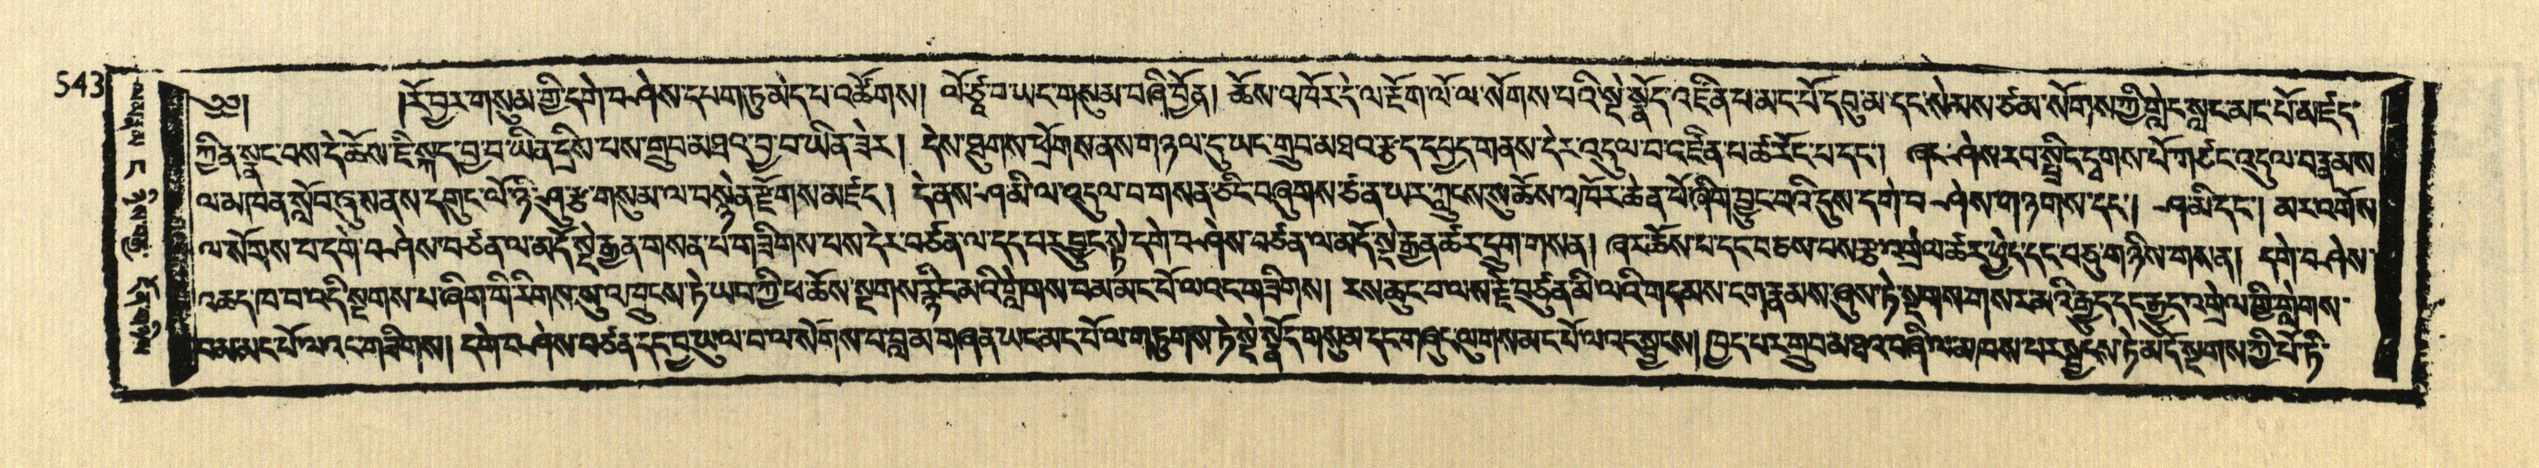༄༅། །རོ་བྱར་གསུམ་གྱི་དགེ་བཤེས་དཔག་ཏུ་མེད་པ་འཚོགས། ལོ་ཙཱ་བ་ཡང་གསུམ་བཞི་བྱོན། ཆོས་འཁོར་དེ་ལ་རྡོག་ལོ་ལ་སོགས་པའི་སྡེ་སྣོད་འཛིན་པ་མང་པོ་དབུ་མ་དང་སེམས་ཙམ་སོགས་ཀྱི་གླེང་སླང་མང་པོ་མཛད་
ཀྱིན་སྣང་བས་དེ་ཆོས་ཇི་སྐད་བྱ་བ་ཡིན་དྲིས་པས་གྲུབ་མཐའ་བྱ་བ་ཡིན་ཟེར། དེས་ཐུགས་ཕྲོགས་ནས་གཉལ་དུ་ཡང་གྲུབ་མཐའ་རྩད་དཔྱད་གནས་དེར་འདུལ་བ་འཛིན་པ་ཚ་རོང་པ་དང་། ཞང་ཤེས་རབ་སྦྲིང་དྭགས་པོ་གཙང་འདུལ་བ་རྣམས་
ལ་མཁན་སློབ་ཞུས་ནས་དགུང་ལོ་ཉི་ཤུ་རྩ་གསུམ་ལ་བསྙེན་རྫོགས་མཛད། དེ་ནས་ཤ་མི་ལ་འདུལ་བ་གསན་ཅིང་བཞུགས་ཙ་ན་ཡར་ཀླུངས་སུ་ཆོས་འཁོར་ཆེན་པོ་ཞིག་བྱུང་བའི་དུས་དགེ་བཤེས་གཉགས་དང་། ཤ་མི་དང་། མར་འགོས་
ལ་སོགས་པ་དགེ་བཤེས་བཙན་ལ་མདོ་སྡེ་རྒྱན་གསན་པ་གཟིགས་པས་དེར་བཙན་ལ་དད་པར་བྱུང་སྟེ་དགེ་བཤེས་བཙན་ལ་མདོ་སྡེ་རྒྱན་ཚར་དྲུག་གསན། ཞར་ཆོས་པ་དང་བཅས་པས་རྩ་འགྲེལ་ཚར་ཕྱེད་དང་བཅུ་གཉིས་གསན། དགེ་བཤེས་
འཆད་ཁ་བ་འདི་སྔགས་པ་ཞིག་གི་རིགས་སུ་འཁྲུངས་ཏེ་ཡབ་ཀྱི་ཕ་ཆོས་སྔགས་རྙིང་མའི་གླེགས་བམ་མང་པོ་ལའང་གཟིགས། རས་ཆུང་བ་ལས་རྗེ་བཙུན་མི་ལའི་གདམས་ངག་རྣམས་ཞུས་ཏེ་སྔགས་གསར་མའི་རྒྱུད་དང་རྒྱུད་འགྲེལ་གྱི་གླེགས་
བམ་མང་པོ་ལའང་གཟིགས། དགེ་བཤེས་བཙན་དང་བྱ་ཡུལ་བ་ལ་སོགས་པ་བླ་མ་གཞན་ཡང་མང་པོ་ལ་གཏུགས་ཏེ་སྡེ་སྣོད་གསུམ་དང་གཞུང་ལུགས་མང་པོ་ལའང་སྦྱངས། ཁྱད་པར་གྲུབ་མཐའ་བཞི་ལ་མཁས་པར་སྦྱངས་ཏེ་མདོ་སྔགས་ཀྱི་པོ་ཏི་